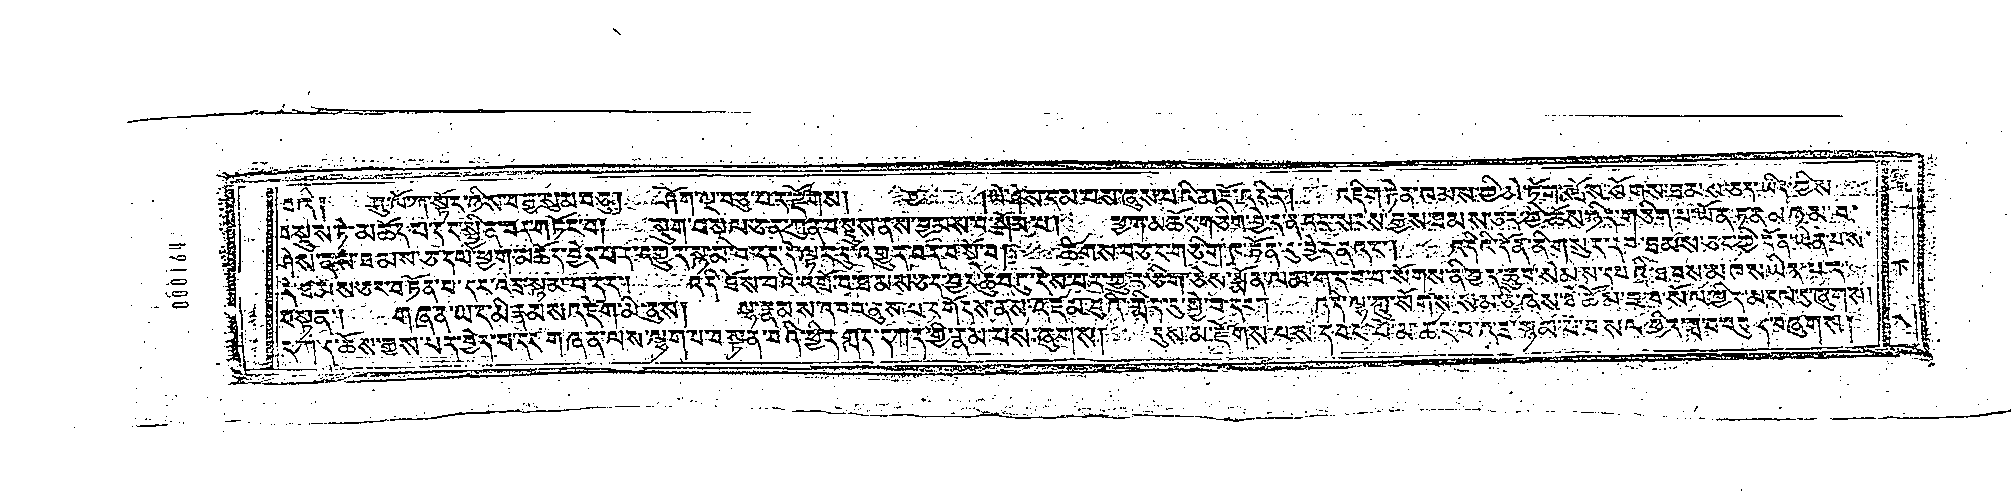བཞི། ཤུ་ལོ་ཀ་སྟོང་ཉིས་བརྒྱ་སུམ་བཅུ། ཤོག་ལྔ་བཅུ་པར་རྫོགས། ༧་།ཡེ་ཤེས་དམ་པས་ཞུས་པའི་མཛོད་འདིར། འཇིག་རྟེན་ཁམས་ཀྱི་མེ་ཏོག་སྤོས་སོགས་ཐམས་ཅད་ཡིད་ཀྱིས་
བསྡུས་ཏེ་མཆོད་པ་དང་སྦྱིན་བར་གཏོང་བ། སྡུག་བསྔལ་ཅན་ཀུན་བསྡུས་ནས་བྱམས་པ་སྒོམ་པ། ཕྱག་མཆོད་གཅིག་བྱེད་ནའང་སངས་རྒྱས་ཐམས་ཅད་ཀྱི་ཆོས་ཉིད་གཅིག་པ་ཡོན་ཏན་མཉམ་བ་
ཤེས་ནས་ཐམས་ཅད་ལ་ཕྱག་མཆོད་བྱེད་པར་འགྱུར་སྙམ་བ་དང་དེ་ལྟར་དུ་འགྱུར་བར་བསྔོ་བ། ཚིགས་བཅད་གཅིག་ཁ་ཏོན་དུ་བྱེད་ནའང་། འདིའི་དོན་ནི་གསུང་རབ་ཐམས་ཅད་ཀྱི་དོན་ཡིན་པས་
དེ་ཐམས་ཅད་བཏོན་པ་དང་འདྲ་སྙམ་པ་དང་། འདི་ཐོས་པའི་འགྲོ་བ་ཐམས་ཅད་བྱང་ཆུབ་ཏུ་ངེས་པར་གྱུར་ཅིག་ཅེས་སྨོན་ལམ་གདབ་པ་སོགས་ནི་བྱང་ཆུབ་སེམས་དཔའི་ཐབས་མཁས་ཡིན་པར་
བསྟན། གཞན་ཡང་མི་རྣམས་འཛེག་མི་ནུས། ལྷ་རྣམས་འབབ་ནུས་པ་དགོངས་ནས་འཛམ་བུའི་གླིང་དུ་སྐྱེ་བ་དང་། འདི་ལྷ་ཀླུ་སོགས་སམ་ཅི་ཞེས་ཐེ་ཚོམ་ཟ་བ་སོལ་ཕྱིར་མངལ་དུ་ཞུགས།
དཀར་ཆོས་རྒྱས་པར་བྱེད་པ་དང་གཞན་ལས་ལྷག་པ་བསྟན་བའི་ཕྱིར་གླང་དཀར་གྱི་རྣམ་པས་ཞུགས། དུས་མ་རྫོགས་པས་དབང་པོ་མ་ཚང་བ་འདྲ་སྙམ་པ་བསལ་ཕྱིར་ཟླ་བ་བཅུར་བཞུགས།